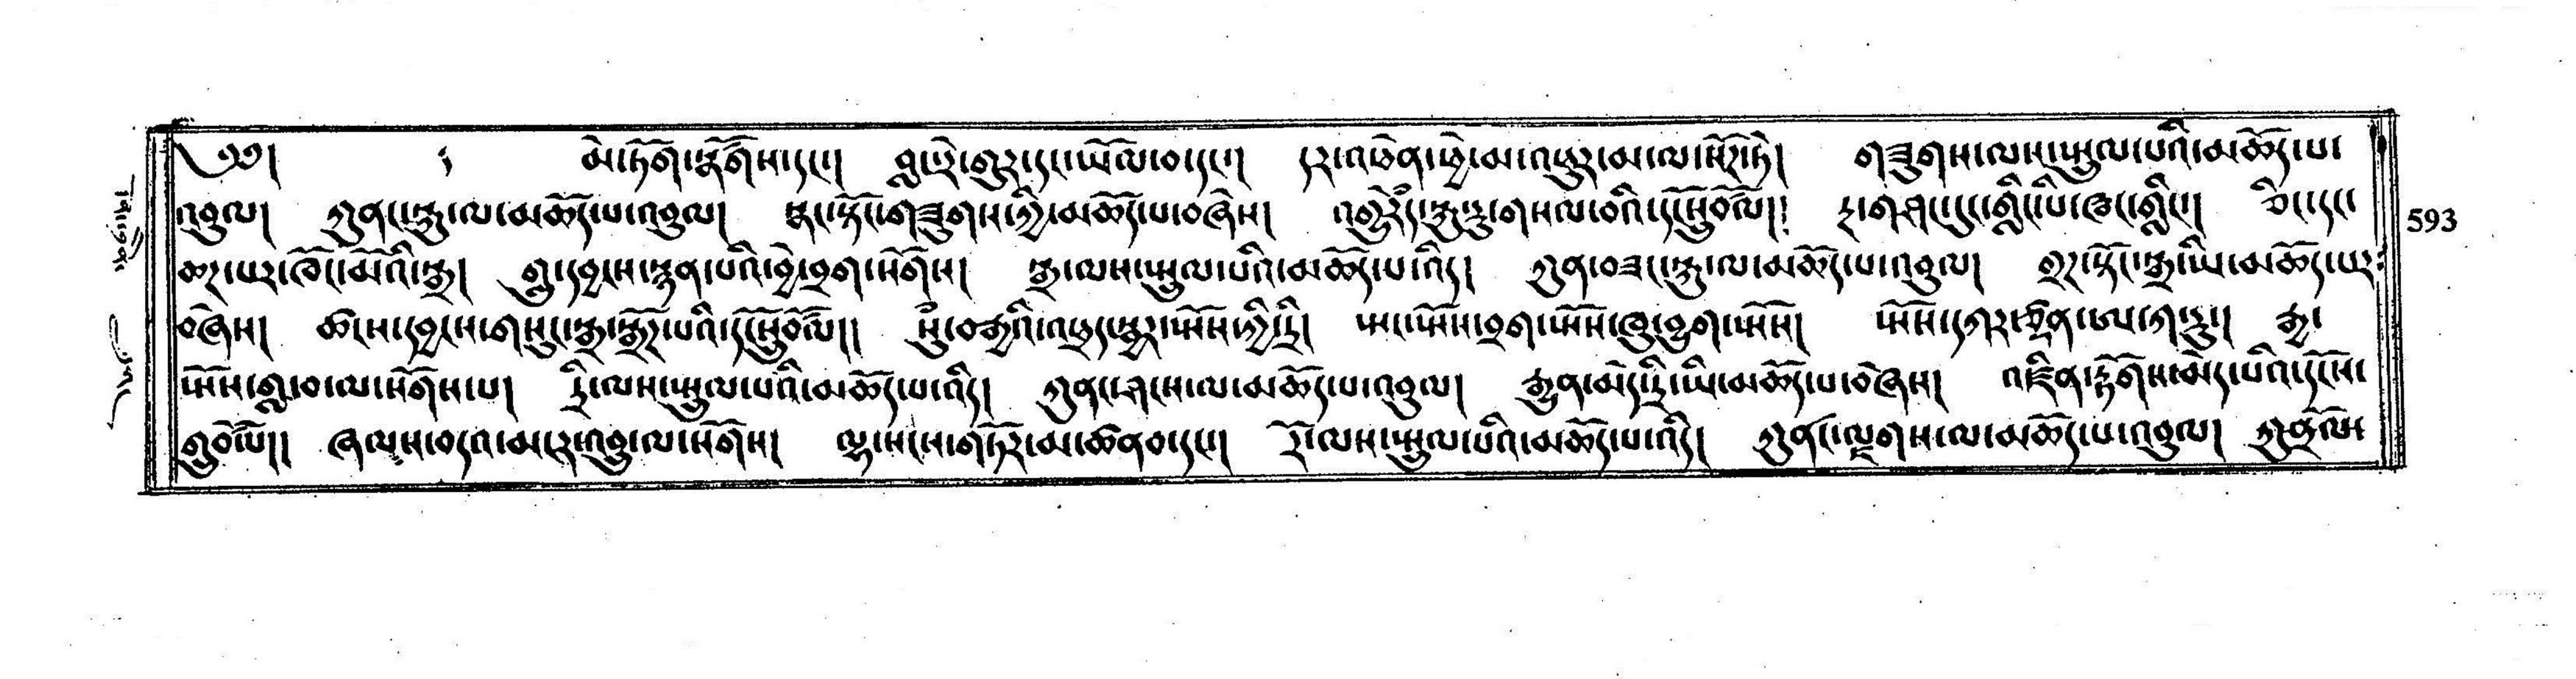མེ་ཏོག་སྣ་ཚོགས་དང་། བླ་རེ་གུར་དང་ཡོལ་བ་དང་། དར་འཕེན་ཕྱེ་མ་འཕུར་མ་ལ་སོགས་ཏེ། གཟུགས་ལས་སྤྲུལ་པའི་མཆོད་པ་
འབུལ། ཀུན་བཟང་སྐུ་ལ་མཆོད་པ་འབུལ། སྣང་སྟོང་གཟུགས་ཀྱི་མཆོད་པ་བཞེས། འགྱུར་མེད་སྐུ་རུ་གསལ་བའི་དངོས་གྲུབ་སྩོལ།། རྔ་གཤང་དུང་གླིང་པི་ཝང་གླིང་། ཅིང་དང་
ཆགས་པར་ཁོང་མོའི་སྒྲ། གླུ་དབྱངས་སྙན་པའི་བྱེ་བྲག་སོགས། སྒྲ་ལས་སྤྲུལ་པའི་མཆོད་པ་འདི། ཀུན་བཟང་སྐུ་ལ་མཆོད་པ་འབུལ། གྲགས་སྟོང་སྒྲ་ཡི་མཆོད་པར
བཞེས། ཚངས་དབྱངས་གསུང་སྒྲ་སྒྲོགས་པའི་དངོས་གྲུབ་སྩོལ།། སུམ་བརྒྱའི་འཕྲད་སྦྱར་སྤོས་ཀྱི་དྲི། སྤང་སྤོས་བྲག་སྤོས་ཁུ་བྱུག་སྤོས། སྤོས་དཀར་ཙན་དན་ཨ་ཀ་རུ། རྒྱ་
སྤོས་གླ་བ་ལ་སོགས་པ། དྲི་ལས་སྤྲུལ་པའི་མཆོད་པ་འདི། ཀུན་བཟང་ཤངས་ལ་མཆོད་པ་འབུལ། རྒྱུན་མེད་དྲི་ཡི་མཆོད་པ་བཞེས། འཛིན་རྟོགས་མེད་པའི་དངོས་
གྲུབ་སྩོལ།། ཞལ་ཟས་བདའ་མངར་འབྲུ་ལ་སོགས། ལྷ་སངས་གཏོར་མ་ཚན་ཆབ་དང་། རོ་ལས་སྤྲུལ་པའི་མཆོད་པ་འདི། ཀུན་བཟང་ལྗགས་ལ་མཆོད་པ་འབུལ།